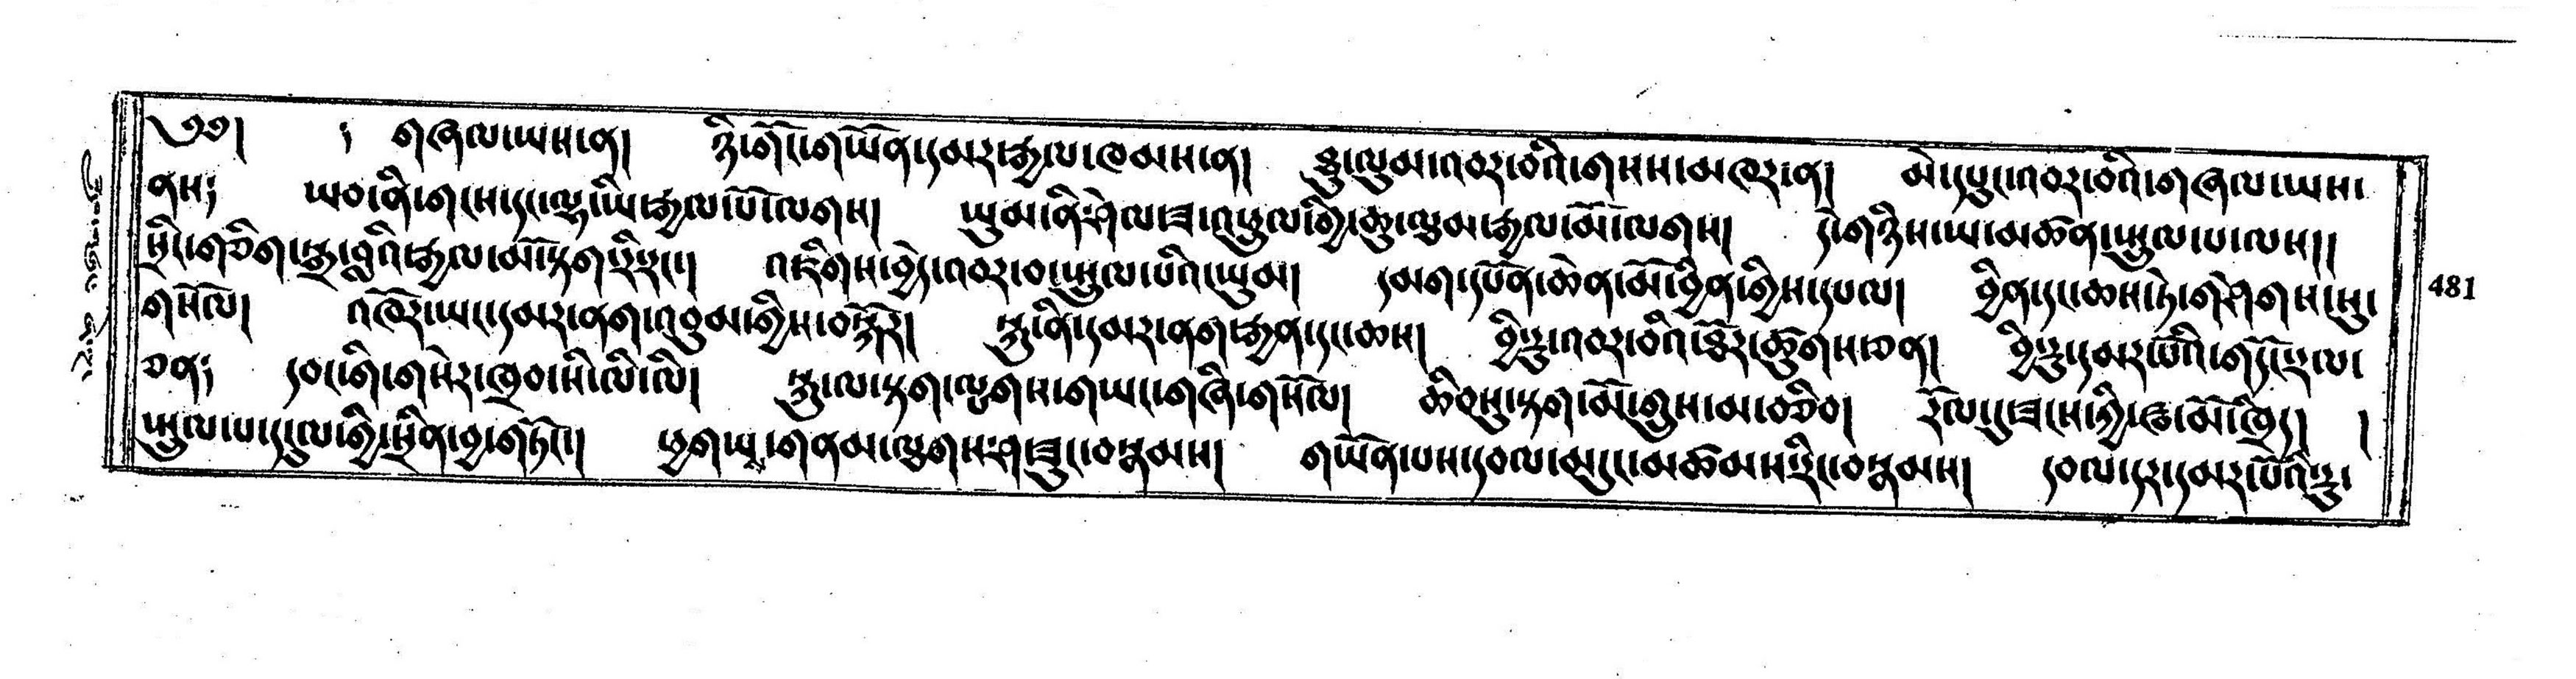གཞལ་ཡས་ན། ཉི་གོང་གཡོན་དམར་རྒྱལ་ཁམས་ན། ཐུ་ལུམ་འབར་བའི་གསས་མཁར་ན། མེ་དཔུང་འབར་བའི་གཞལ་ཡས་
ནས། {494}ཡབ་ནི་གངས་དང་ལྷ་ཡི་རྒྱལ་པོ་ལགས། ཡུམ་ནི་ཤེལ་ཟ་འཕྲུལ་གྱི་ཆུ་ལྕམ་རྒྱལ་མོ་ལགས། དེ་གཉིས་ཡ་མཚན་སྤྲུལ་པ་ལས།། 
སྲིང་གཅིག་སྒྲ་བླའི་རྒྱལ་མོ་སྟག་རི་རང་། འཇིགས་བྱེད་འབར་བ་སྤྲུལ་པའི་ཡུམ། དམག་དཔོན་ཆེན་མོ་བྱིན་གྱིས་དཔལ། བྱིན་དང་ཆས་ཏེ་གཤེགས་སུ་
གསོལ། འཁོར་ཡང་དམར་ནག་འབུམ་གྱིས་བསྐོར། སྐུ་ནི་དམར་ནག་རྒྱན་དང་ཆས། བྱི་རུ་འབར་བའི་ཐོར་ཚུགས་ཅན། བྱི་རུ་དམར་པོའི་གདོང་རལ་
ཅན། དབང་གི་གསེར་ཁྲབ་སི་ལི་ལི། སྐུ་ལ་སྟག་ལྤགས་གཡང་གཞི་གསོལ། ཆིབས་སུ་སྟག་མོ་གྲུས་མ་བཅིབ། རོལ་དུ་ཟངས་ཀྱི་ཝ་མོ་ཁྲིད། 
སྤྲུལ་པ་དངུལ་གྱི་སྲིན་བྱ་གཏོང་། ཕྱག་གཡས་གནམ་ལྕགས་ཤ་ཟུང་བསྣམས། གཡོན་པས་དབལ་མདུང་མཚམས་རིང་བསྣམས། དབལ་དར་དམར་པོའི་རུ་